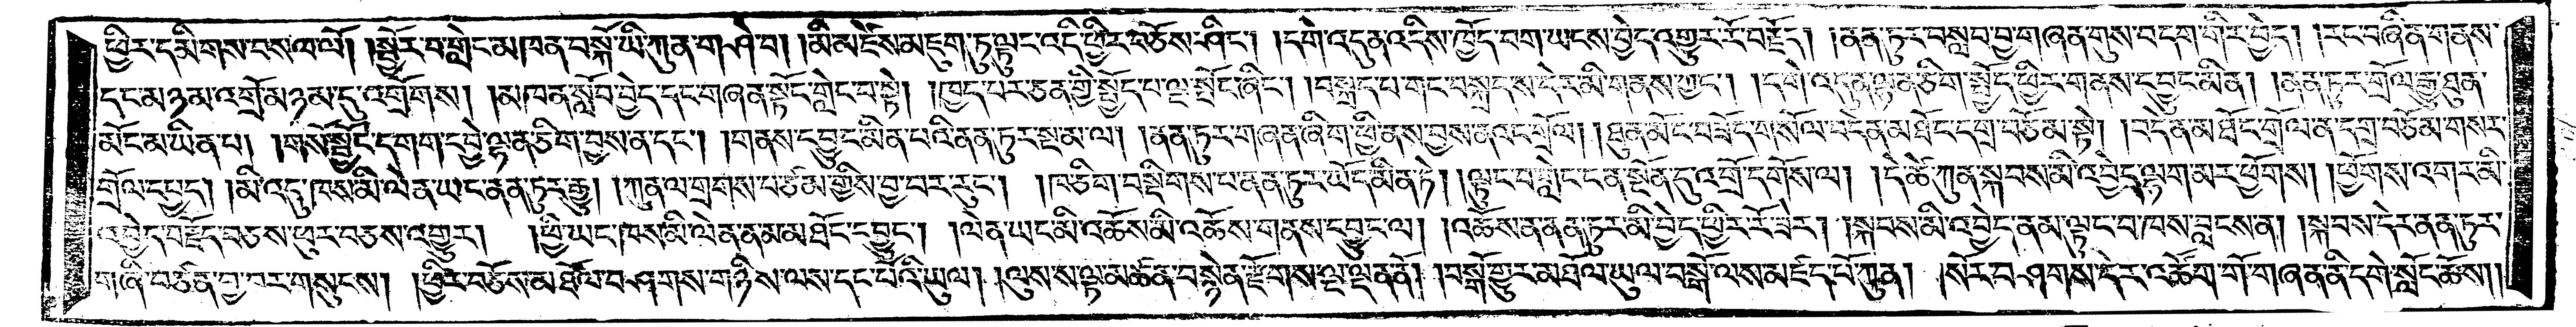ཕྱིར་དམིགས་བསལ་ལོ། །སྦྱོར་བ་གླེང་མཁན་བ་སྐོ་ཡི་ཀུན་གཤེ་བ། །མི་མཛེས་མཇུག་ཏུ་ལྟུང་འདི་ཕྱིར་བཅོས་ཤིང་། །དགེ་འདུན་འདིས་ཕྱོད་བག་ཡངས་བྱེད་འགྱུར་རོ་བརྗོད། །ནན་ཏུར་བསླབ་བྱ་གཞན་གུས་བདག་གིར་བྱེད། །རང་བཞིན་གནས་
དང་མཉམ་འགྲོ་མཉམ་དུ་འགྲོགས། །མཁན་སློབ་བྱེད་དང་གཞན་སྟོང་གླེང་བ་སྟེ། །ཁྱད་པར་ཅན་གྱི་སྤྱོད་པ་ལྟ་སྤོང་ཞིང་། །བསྐྲད་པ་གང་བསྐྲད་ས་དེར་ལ་གནས་ཀྱང་། །དགེ་འདུན་ལྟ་ན་ཅིག་སྤྱོད་ཕྱིར་གནས་འབྱུང་མིན། །ནན་ཏུར་གྲོལ་རྒྱུ་ཐུན་
མོང་མ་ཡིན་པ། །གསོ་སྦྱོང་དགག་དབྱེ་ལྷན་ཅིག་བྱས་ན་དང་། །གནས་དབྱུང་མིན་པའི་ནན་ཏུར་སྔ་མ་ལ། །ནན་ཏུར་གཞན་ཞིག་ཕྱི་ནས་བྱས་ནའང་གྲོལ། །ཐུན་མོང་བཟོད་གསོལ་བདེན་མཐོང་དགྲ་བཅོམ་སྟེ། །བདེན་མཐོང་གྲོལ་ན་དགྲ་བཅོམ་གསར་
གྲོལ་དཔྱར། །མི་འདུ་ཁས་མི་ལེན་ཡང་ནན་ཏུར་རྒྱུ། །ཀུན་ལ་གྲགས་པ་ཙམ་གྱིས་བྱ་བར་རུང་། །ཁ་ཅིག་བསྡིགས་པ་ནན་ཏུར་ཡོད་མིན་ཏེ། །ལྷུང་བ་གླེང་ངན་སྔོན་དུ་འགྲོ་དགོས་ལ། །དེ་ཚེ་ཀུན་སྐབས་མི་འབྱེད་ལྟག་མར་ཕྱོགས། །ཕྱོགས་འགར་མི་
འབྱེད་བརྗོད་བཅས་ཕུར་བཅས་འགྱུར། །ཕྱི་ཡང་ཁས་མི་ལེན་ནམ་མཐོང་དབྱུང་། །ལེན་ཡང་མི་འཆོས་མི་འཆོས་གནས་དབྱུང་ལ། །འཆོས་ན་ནན་ཏུར་མི་བྱེད་ཕྱིར་རོ་ཟེར། །སྐབས་མི་འབྱེད་ནམ་ལྟུང་བ་ཁས་བླངས་ན། །སྐབས་དེར་ནན་ཏུར་
གཞི་བཙན་བྱ་བར་གསུངས། །ཕྱིར་བཅོས་མཐོལ་བཤགས་གཉིས་ལས་དང་པོའི་ཡུལ། །ལུས་ས་ལྟ་མཚན་བསྙེན་རྫོགས་ལྔ་ལྡན་ནོ། །བསྒོ་གྱུར་མཐོལ་ཡུལ་བསྒོ་ལས་མཛད་པོ་ཀུན། །སོར་བཤགས་དེར་འཚོག་གོ་གཞན་ནི་དགེ་སློང་ཆོས།།